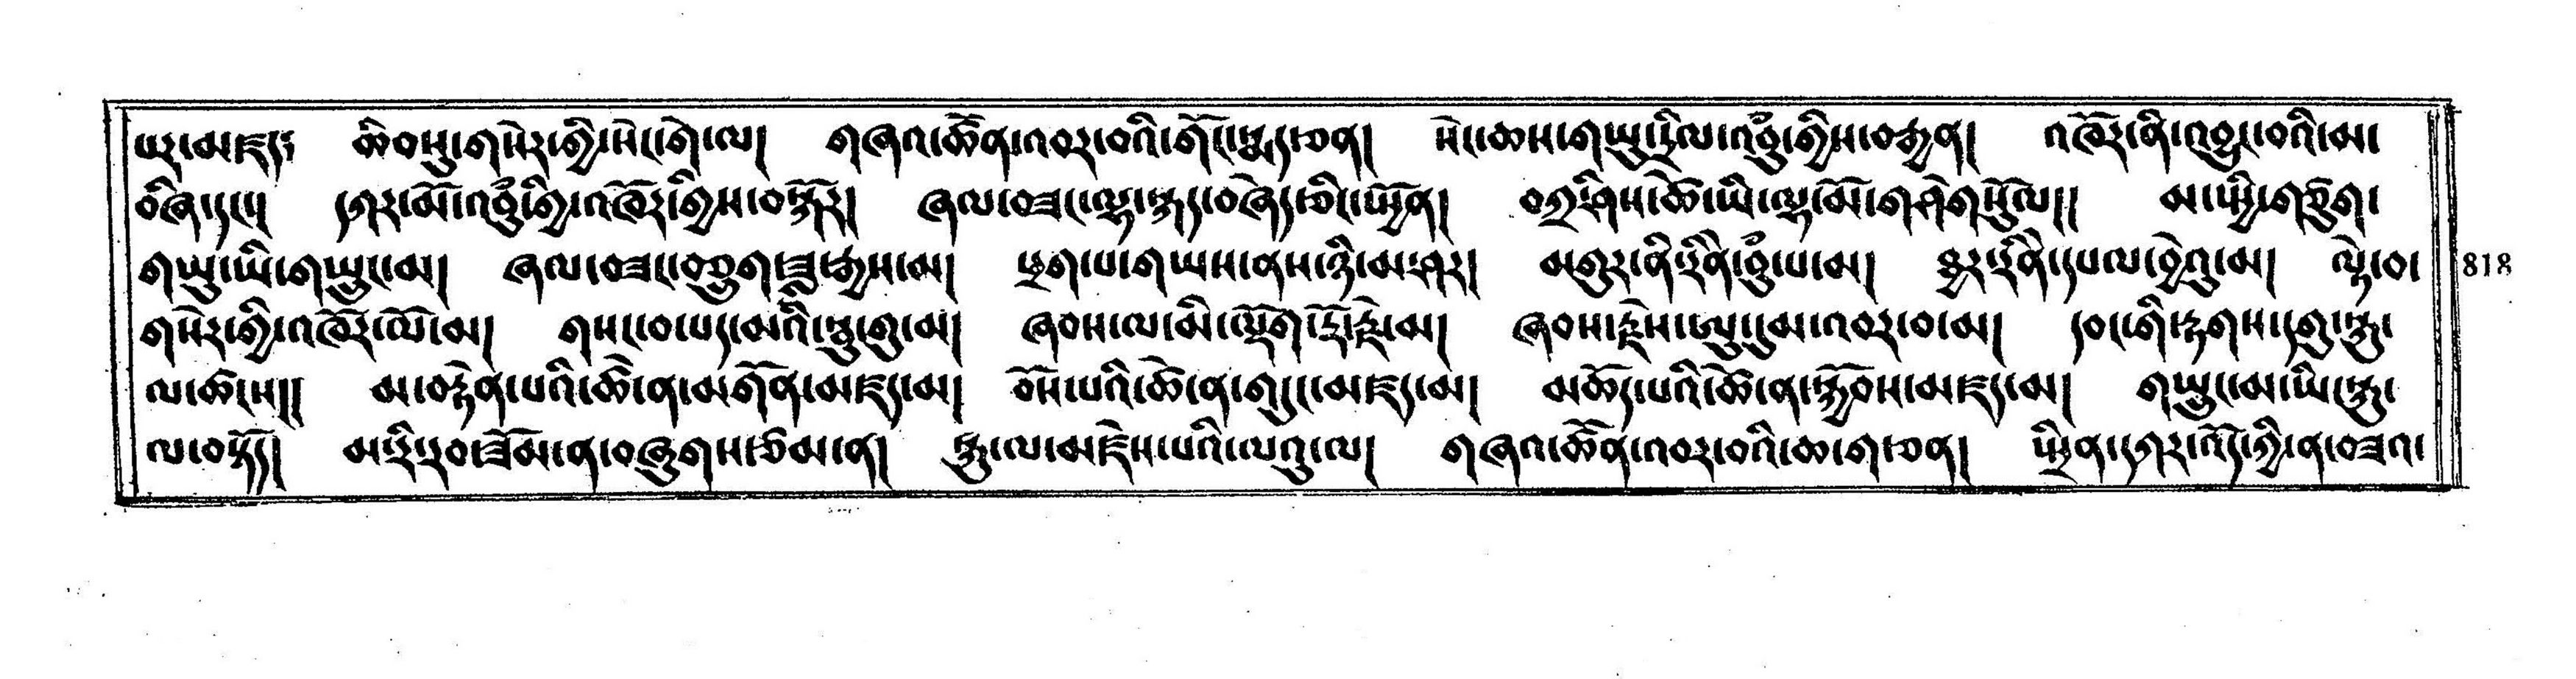པར་མཛད། ཆིབས་སུ་གསེར་གྱི་སེང་གེ་ལ། གཞའ་ཚོན་འབར་བའི་གོང་སྨད་ཅན། སེང་ཆས་གཡུ་དྲིལ་འབུམ་གྱིས་བརྒྱན། འཁོར་ནི་འབྱུང་བའི་མ་
བཞི་དང་། དཀར་མོ་འབུམ་གྱི་འཁོར་གྱིས་བསྐོར། ཞལ་བཟང་ལྷ་སྐད་བཞེད་ཅིང་སྤྱོན། བཀྲ་ཤིས་ཚེ་ཡི་ལྷ་མོ་གཤེགས་སུ་གསོལ།། མ་སྤྱི་གཙུག་
གཡུ་ཡི་གཡུང་དྲུང་མ། ཞལ་བཟང་བཅུ་དྲུག་ཟླ་རྒྱས་མ། ཕྲག་པ་གཡས་ནས་ཉི་མ་ཤར། མགུར་ནི་རིན་ཆེན་བུམ་པ་མ། ཐུགས་ཀར་རིན་ཆེན་དཔལ་བྱེའུ་མ། ལྟེ་བ་
གསེར་གྱི་འཁོར་ལོ་མ། གསང་བ་པད་མའི་སྦུ་གུ་མ། ཞབས་ལ་མི་ལྡོག་རྡོ་རྗེ་མ། ཞབས་རྗེས་ཨུ་དུམ་འབར་བ་མ། དབང་གི་རྟགས་དགུ་སྐུ་
ལ་ཚངས།། མ་བརྟེན་པའི་ཚེ་ན་མགོན་མཛད་མ། བོས་པའི་ཚེ་ན་གདུང་མཛད་མ། མཆོད་པའི་ཚེ་ན་སྐྱོབས་མཛད་མ། གཡུང་དྲུང་མ་ཡི་སྐུ་
ལ་བསྟོད། མ་རི་རབ་ཟོམ་ན་བཞུགས་ཙམ་ན། སྐུ་ལ་མཛེས་པའི་ལའུ་ལ། གཞའ་ཚོན་འབར་བའི་ཆ་ག་ཅན། སྤྲིན་དཀར་འོད་ཀྱི་ན་བཟའ་